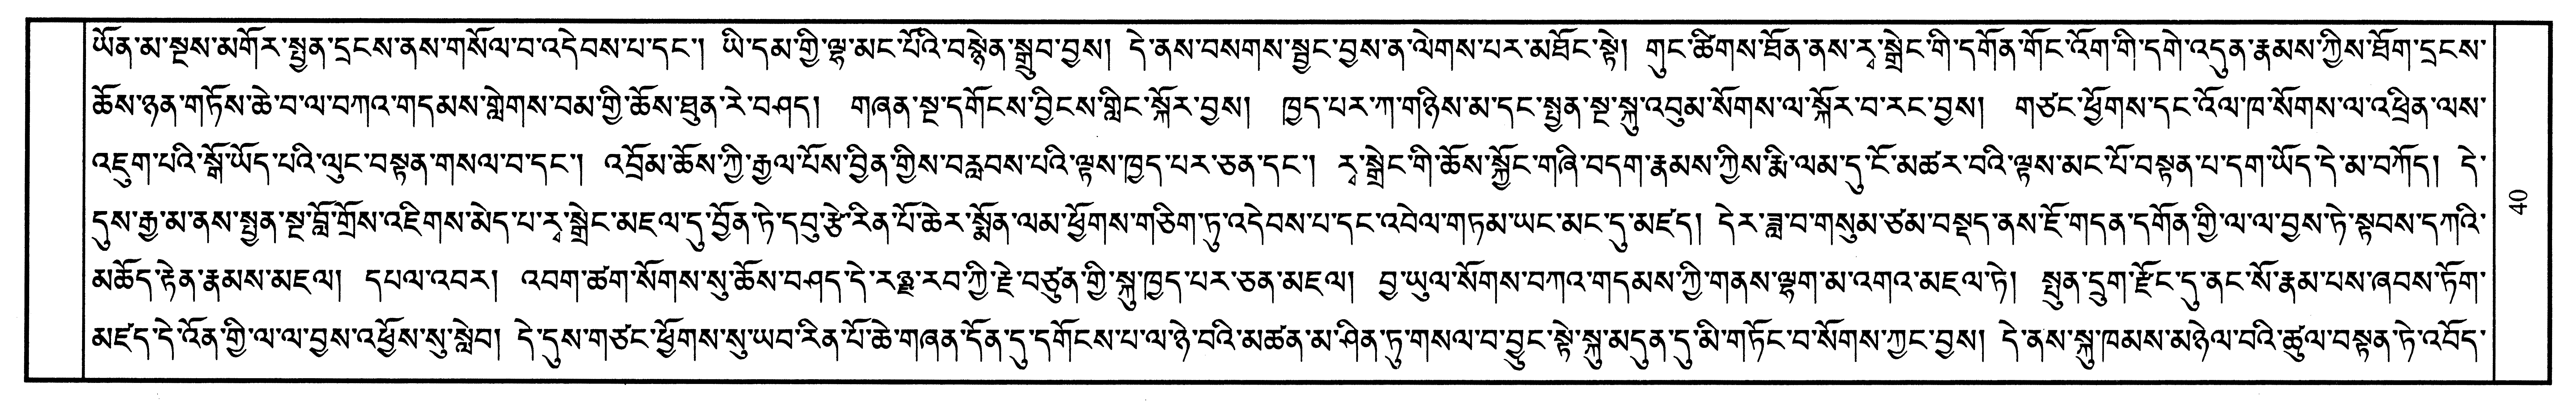ཡོན་མ་སྔས་མགོར་སྤྱན་དྲངས་ནས་གསོལ་བ་འདེབས་པ་དང་། ཡི་དམ་གྱི་ལྷ་མང་པོའི་བསྙེན་སྒྲུབ་བྱས། དེ་ནས་བསགས་སྦྱང་བྱས་ན་ལེགས་པར་མཐོང་སྟེ། གུང་ཚིགས་ཐོན་ནས་རྭ་སྒྲེང་གི་དགོན་གོང་འོག་གི་དགེ་འདུན་རྣམས་ཀྱིས་ཐོག་དྲངས་
ཆོས་ཉན་གཏོས་ཆེ་བ་ལ་བཀའ་གདམས་གླེགས་བམ་གྱི་ཆོས་ཐུན་རེ་བཤད། གཟཿཨན་སྔ་དགོངས་བྱིངས་གླིང་སྐོར་བྱས། ཁྱད་པར་ཀ་གཉིས་མ་དང་སྤྱན་སྔ་སྐུ་འབུམ་སོགས་ལ་སྐོར་བ་རང་བྱས། གཙང་ཕྱོགས་དང་འོལ་ཁ་སོགས་ལ་འཕྲིན་ལས་
འཇུག་པའི་སྒོ་ཡོད་པའི་ལུང་བསྟན་གསལ་བ་དང་། འབྲོམ་ཆོས་ཀྱི་རྒྱལ་པོས་བྱིན་གྱིས་བརླབས་པའི་ལྟས་ཁྱད་པར་ཅན་དང་། རྭ་སྒྲེང་གི་ཆོས་སྐྱོང་གཞི་བདག་རྣམས་ཀྱིས་རྨི་ལམ་དུ་ངོ་མཚར་བའི་ལྟས་མང་པོ་བསྟན་པ་དག་ཡོད་དེ་མ་བཀོད། དེ་
དུས་རྒྱ་མ་ནས་སྤྱན་སྔ་བློ་གྲོས་འཇིགས་མེད་པ་རྭ་སྒྲེང་མཇལ་དུ་བྱོན་ཏེ་དབུ་རྩེ་རིན་པོ་ཆེར་སྨོན་ལམ་ཕྱོགས་གཅིག་ཏུ་འདེབས་པ་དང་འབེལ་གཏམ་ཡང་མང་དུ་མཛད། དེར་ཟླ་བ་གསུམ་ཙམ་བསྡད་ནས་ཇོ་གདན་དགོན་གྱི་ལ་ལ་བྱས་ཏེ་སྟབས་དཀའི་
མཆོད་རྟེན་རྣམས་མཇལ། དཔལ་འབར། འབག་ཚག་སོགས་སུ་ཆོས་བཤད་དེ་རཉྫ་རབ་ཀྱི་རྗེ་བཙུན་གྱི་སྐུ་ཁྱད་པར་ཅན་མཇལ། བྱ་ཡུལ་སོགས་བཀའ་གདམས་ཀྱི་གནས་ལྷག་མ་འགའ་མཇལ་ཏེ། སྤུན་དྲུག་རྫོང་དུ་ནང་སོ་རྣམ་པས་ཞབས་ཏོག་
མཛད་དེ་འོན་གྱི་ལ་ལ་བྱས་འཕྱོས་སུ་སླེབ། དེ་དུས་གཙང་ཕྱོགས་སུ་ཡབ་རིན་པོ་ཆེ་གཞན་དོན་དུ་དགོངས་པ་ལ་ཉེ་བའི་མཚན་མ་ཤིན་ཏུ་གསལ་བ་བྱུང་སྟེ་སྐུ་མདུན་དུ་མི་གཏོང་བ་སོགས་ཀྱང་བྱས། དེ་ནས་སྐུ་ཁམས་མཉེལ་བའི་ཚུལ་བསྟན་ཏེ་འབོད་